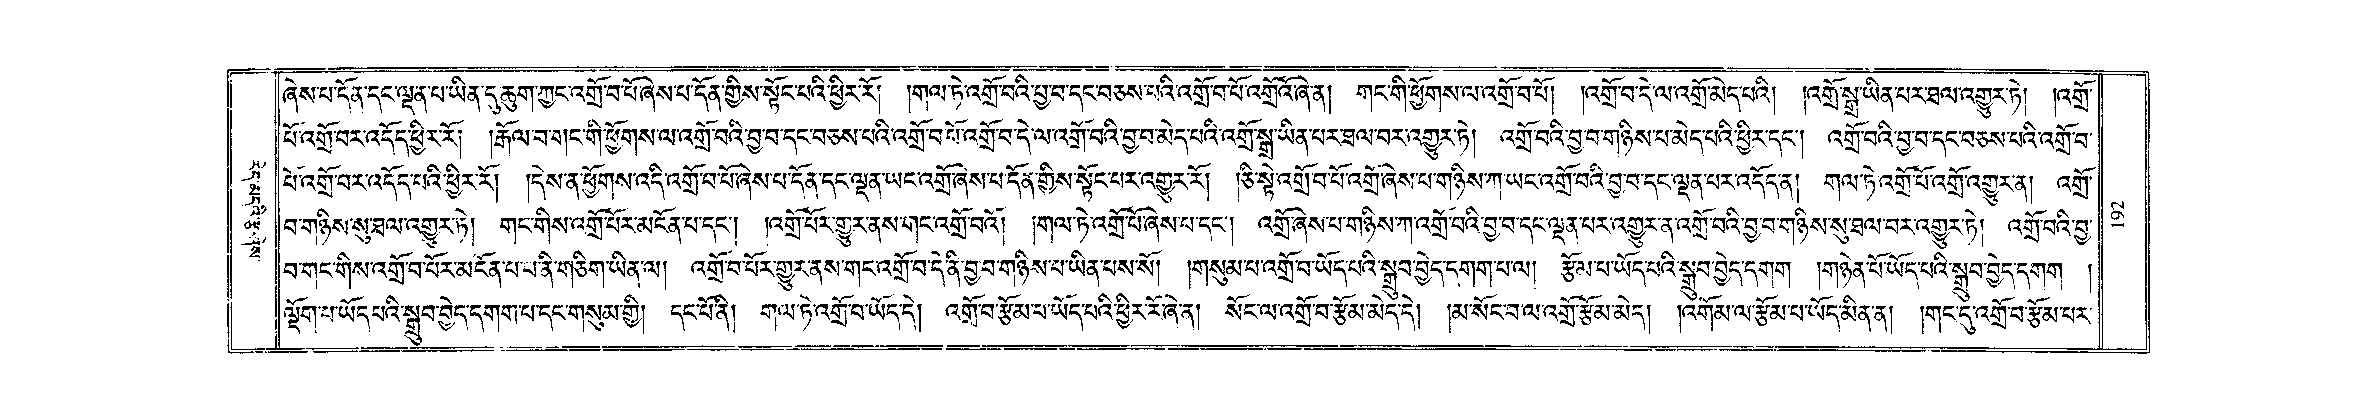ཞེས་པ་དོན་དང་ལྡན་པ་ཡིན་དུ་ཆུག་ཀྱང་འགྲོ་བ་པོ་ཞེས་པ་དོན་གྱིས་སྟོང་པའི་ཕྱིར་རོ། །གལ་ཏེ་འགྲོ་བའི་བྱ་བ་དང་བཅས་པའི་འགྲོ་བ་པོ་འགྲོའོ་ཞེ་ན། གང་གི་ཕྱོགས་ལ་འགྲོ་བ་པོ། །འགྲོ་བ་དེ་ལ་འགྲོ་མེད་པའི། །འགྲོ་སྒྲ་ཡིན་པར་ཐལ་འགྱུར་ཏེ། །འགྲོ་
པོ་འགྲོ་བར་འདོད་ཕྱིར་རོ། །རྒོལ་བ་གང་གི་ཕྱོགས་ལ་འགྲོ་བའི་བྱ་བ་དང་བཅས་པའི་འགྲོ་བ་པོ་འགྲོ་བ་དེ་ལ་འགྲོ་བའི་བྱ་བ་མེད་པའི་འགྲོ་སྒྲ་ཡིན་པར་ཐལ་བར་འགྱུར་ཏེ། འགྲོ་བའི་བྱ་བ་གཉིས་པ་མེད་པའི་ཕྱིར་དང་། འགྲོ་བའི་བྱ་བ་དང་བཅས་པའི་འགྲོ་བ་
པོ་འགྲོ་བར་འདོད་པའི་ཕྱིར་རོ། །དེས་ན་ཕྱོགས་འདི་འགྲོ་བ་པོ་ཞེས་པ་དོན་དང་ལྡན་ཡང་འགྲོ་ཞེས་པ་དོན་གྱིས་སྟོང་པར་འགྱུར་རོ། །ཅི་སྟེ་འགྲོ་བ་པོ་འགྲོ་ཞེས་པ་གཉིས་ཀ་ཡང་འགྲོ་བའི་བྱ་བ་དང་ལྡན་པར་འདོད་ན། གལ་ཏེ་འགྲོ་པོ་འགྲོ་འགྱུར་ན། འགྲོ་
བ་གཉིས་སུ་ཐལ་འགྱུར་ཏེ། གང་གིས་འགྲོ་པོར་མངོན་པ་དང་། །འགྲོ་པོར་གྱུར་ནས་གང་འགྲོ་བའོ། །གལ་ཏེ་འགྲོ་པོ་ཞེས་པ་དང་། འགྲོ་ཞེས་པ་གཉིས་ཀ་འགྲོ་བའི་བྱ་བ་དང་ལྡན་པར་འགྱུར་ན་འགྲོ་བའི་བྱ་བ་གཉིས་སུ་ཐལ་བར་འགྱུར་ཏེ། འགྲོ་བའི་བྱ་
བ་གང་གིས་འགྲོ་བ་པོར་མངོན་པ་པ་ནི་གཅིག་ཡིན་ལ། འགྲོ་བ་པོར་གྱུར་ནས་གང་འགྲོ་བ་དེ་ནི་བྱ་བ་གཉིས་པ་ཡིན་པས་སོ། །གསུམ་པ་འགྲོ་བ་ཡོད་པའི་སྒྲུབ་བྱེད་དགག་པ་ལ། རྩོམ་པ་ཡོད་པའི་སྒྲུབ་བྱེད་དགག །གཉེན་པོ་ཡོད་པའི་སྒྲུབ་བྱེད་དགག །
ལྡོག་པ་ཡོད་པའི་སྒྲུབ་བྱེད་དགག་པ་དང་གསུམ་གྱི། དང་པོ་ནི། གལ་ཏེ་འགྲོ་བ་ཡོད་དེ། འགྲོ་བ་རྩོམ་པ་ཡོད་པའི་ཕྱིར་རོ་ཞེ་ན། སོང་ལ་འགྲོ་བ་རྩོམ་མེད་དེ། །མ་སོང་བ་ལ་འགྲོ་རྩོམ་མེད། །འགོམ་ལ་རྩོམ་པ་ཡོད་མིན་ན། །གང་དུ་འགྲོ་བ་རྩོམ་པར་